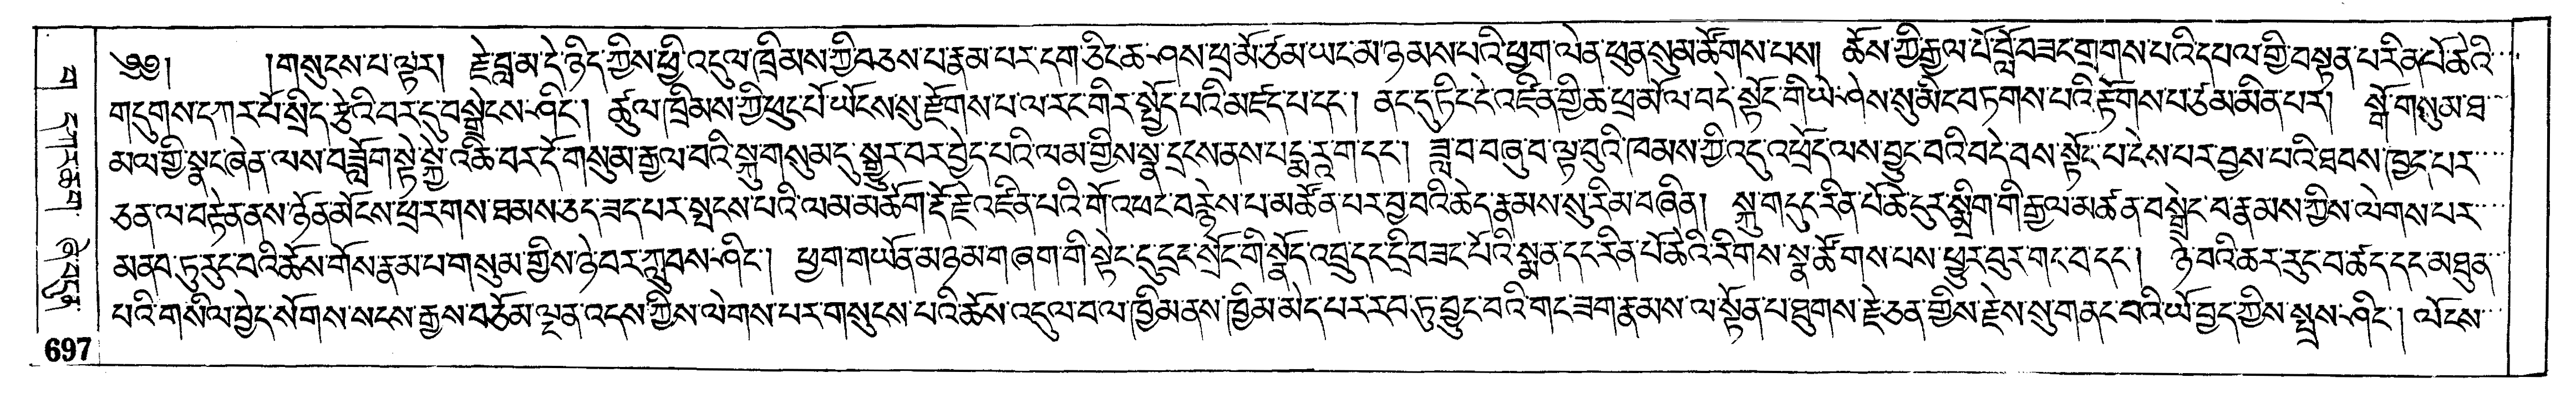༄༅། །གསུངས་པ་ལྟར། རྗེ་བླ་མ་དེ་ཉིད་ཀྱིས་ཕྱི་འདུལ་ཁྲིམས་ཀྱི་བཅས་པ་རྣམ་པར་དག་ཅིང་ཆ་ཤས་ཕྲ་མོ་ཙམ་ཡང་མ་ཉམས་པའི་ཕྱག་ལེན་ཕུན་སུམ་ཚོགས་པས། ཆོས་ཀྱི་རྒྱལ་པོ་བློ་བཟང་གྲགས་པའི་དཔལ་གྱི་བསྟན་པ་རིན་པོ་ཆེའི་
གདུགས་དཀར་པོ་སྲིད་རྩེའི་བར་དུ་བསྒྲེངས་ཤིང་། ཚུལ་ཁྲིམས་ཀྱི་ཕུང་པོ་ཡོངས་སུ་རྫོགས་པ་ལ་རང་གིར་སྤྱོད་པའི་མཛད་པ་དང་། ནང་དུ་ཏིང་ངེ་འཛིན་གྱི་ཆ་ཕྲ་མོ་ལ་བདེ་སྟོང་གི་ཡེ་ཤེས་སུ་མིང་བཏགས་པའི་རྟོགས་པ་ཙམ་མིན་པར། སྒོ་གསུམ་ཐ་
མལ་གྱི་སྣང་ཞེན་ལས་བཟློག་སྟེ་སྐྱེ་འཆི་བར་དོ་གསུམ་རྒྱལ་བའི་སྐུ་གསུམ་དུ་སྒྱུར་བར་བྱེད་པའི་ལམ་གྱིས་སྣ་དྲངས་ནས་པདམ་རཱ་ག་དང་། ཟླ་བ་བཞུ་བ་ལྟ་བུའི་ཁམས་ཀྱི་འདུ་འཕྲོད་ལས་བྱུང་བའི་བདེ་བས་སྟོང་པ་ངེས་པར་བྱས་པའི་ཐབས་ཁྱད་པར་
ཅན་ལ་བརྟེན་ནས་ཉོན་མོངས་ཕྲ་རགས་ཐམས་ཅད་ཟད་པར་སྤངས་པའི་ལམ་མཆོག་རྡོ་རྗེ་འཛིན་པའི་གོ་འཕང་བརྙེས་པ་མཚོན་པར་བྱ་བའི་ཆེད་རྣམས་སུ་རིམ་བཞིན། སྐུ་གདུང་རིན་པོ་ཆེ་དུར་སྨྲིག་གི་རྒྱལ་མཚན་བསྒྲེང་བ་རྣམས་ཀྱིས་ལེགས་པར་
མནབ་ཏུ་རུང་བའི་ཆོས་གོས་རྣམ་པ་གསུམ་གྱིས་ཉེ་བར་ཀླུབས་ཤིང་། ཕྱག་གཡོན་མཉམ་གཞག་གི་སྟེང་དུ་དྲང་སྲོང་གི་སྣོད་འབྲུ་དང་དྲི་བཟང་པོའི་སྨན་དང་རིན་པོ་ཆེའི་རིགས་སྣ་ཚོགས་པས་ཕྱུར་བུར་གང་བ་དང་། ཉེ་བའི་ཆར་རུང་བ་ཚད་དང་མཐུན་
པའི་གསིལ་བྱེད་སོགས་སངས་རྒྱས་བཅོམ་ལྡན་འདས་ཀྱིས་ལེགས་པར་གསུངས་པའི་ཆོས་འདུལ་བ་ལ་ཁྱིམ་ནས་ཁྱིམ་མེད་པར་རབ་ཏུ་བྱུང་བའི་གང་ཟག་རྣམས་ལ་སྟོན་པ་ཐུགས་རྗེ་ཅན་གྱིས་རྗེས་སུ་གནང་བའི་ཡོ་བྱད་ཀྱིས་སྤྲས་ཤིང་། ལོངས་